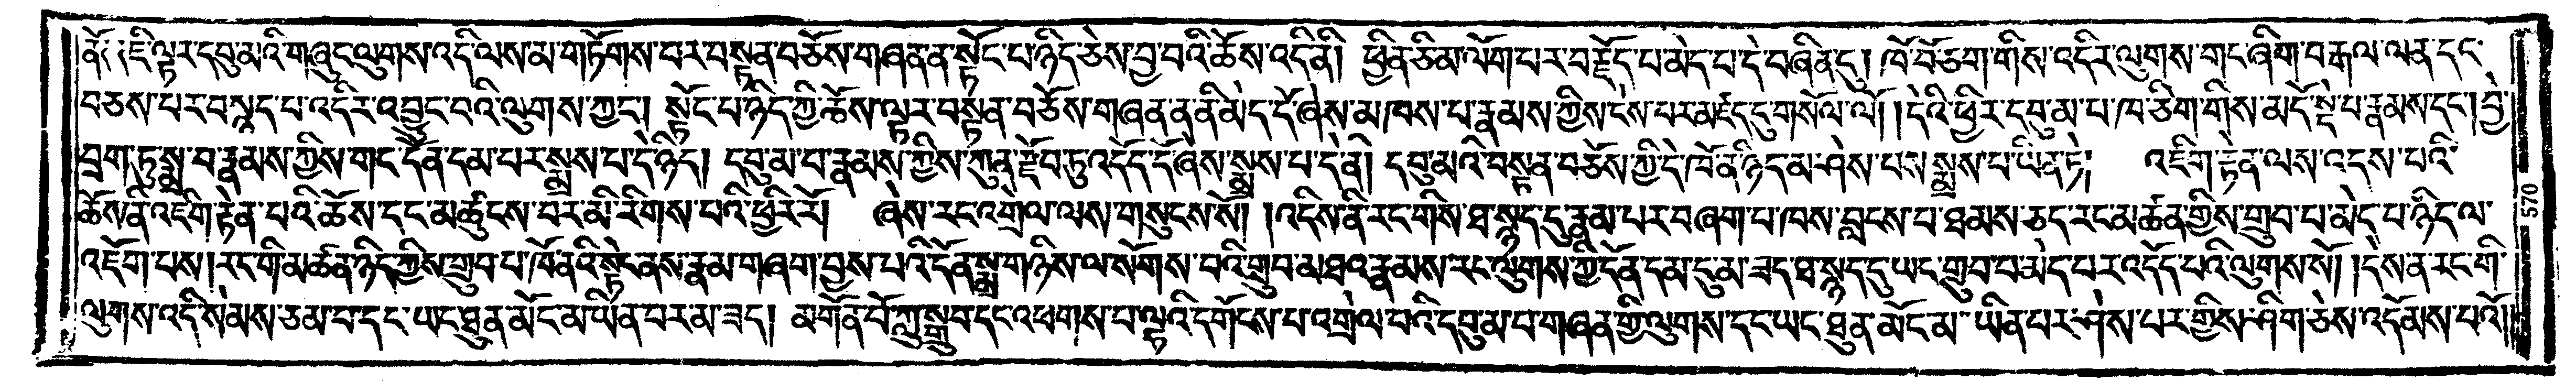ནག་ཚོའི་འགྱུར་ལས། སངས་རྒྱས་ཡུལ་གྱུར་ཞིང་རྣམས་ཕྱོགས་བཅུ་མ་ལུས་ན། །ཕྲ་རབ་རྡུལ་ནི་ཇི་སྙེད་ཡོད་པ་དེ་སྙེད་དུ། །བདེ་བར་གཤེགས་པ་མཆོག་གྱུར་ཁྱོད་ཀྱི་བྱང་ཆུབ་ཀྱང་། །འབྱུང་འགྱུར་ཞེས་འབྱུང་བ་ལྟར་ལེགས་སོ། །དེ་ལྟར་
མ་བྱས་པར་འགྲེལ་བཤད་ལྟར་བཤད་ན། རྩ་བ་ལས་གསང་བ་འདི་བཤད་པར་མི་བྱ་བར་གསུངས་པའི་ཡུལ་དུ་འགྲོ་བ་ཡིན་ནོ། །གཉིས་པ་ནི། རྒྱལ་བའི་མ་འོངས་པའི་སྐུ་ཚེའི་ཚད་ནི་ཇི་སྲིད་དུ་འཇིག་རྟེན་གདུལ་བྱ་མཐའ་དག་གོ་འཕང་མཆོག་
ཏུ་རབ་ཏུ་ཞི་བར་འགྲོ་བ་མིན་པ་ལྟེ་སངས་རྒྱས་སུ་མ་རྒྱུར་པའི་བར་དང་། ཇི་སྲིད་དུ་འདུས་མ་བྱས་ཀྱི་ནམ་མཁའ་རྣམ་པར་འཇིག་པར་འགྱུར་བ་མིན་པ་དེ་སྲིད་དུ་ཡིན་ཏེ། སངས་རྒྱས་ནི་ཤེས་རབ་ཀྱི་ཕ་རོལ་ཏུ་ཕྱིན་པའི་ཡུམ་གྱིས་བསྐྱེད་ནས་
ཐུགས་བརྩེ་བ་ཆེན་པོ་ཡི་མ་མ་ལ་གཏད་པ་ལས་སྔར་བཤད་པའི་ཚུལ་ལུགས་འདི་བྱེད་པས། དེ་འདྲ་བ་ཁྱོད་ལ་ཞི་པ་ཕྱོགས་གཅིག་པར་འགྱུར་བ་ག་ལ་མངའ་སྟེ་མི་མངའ་བའི་ཕྱིར་རོ། །གང་གིས་སེམས་ཅན་ཐམས་ཅད་ཀྱི་དོན་བསྒྲུབ་པར་བྱ་བའི་
ཕྱིར་དུ་མུ་མཐའ་མེད་པར་སེམས་ཅན་འདི་དག་གསོ་བར་བྱེད་པ་སངས་རྒྱས་རྣམས་ཀྱི་ཐུགས་རྗེ་དེ་ཇི་འདྲ་བ་ཞིག་ཅེ་ན། བདེན་འཛིན་གྱི་གཏི་མུག་གི་སྐྱོན་གྱི་དབང་གིས་འཇིག་རྟེན་པ་རྣམས་ཁ་ཟས་ཏེ་འདོད་ཡོན་ལྔ་ལ་མངོན་པར་ཞེན་པས་ཟོས་
པས། སྡུག་བསྔལ་རྒྱ་ཆེན་པོའི་རྒྱུ་བྱེད་པའི་ཕྱིར་དུག་དང་བཅས་པ་ཟ་བ་པོ་ཡི་སྐྱེ་བོ་ཉིད་ཀྱི་ནང་མི་སྟེ་བདག་གི་བར་བྱས་པ་དེ་རྣམས་ལ་ཁྱོད་བརྩེ་བ་སྐྱེ་བ་ཇི་ལྟ་བ་དེ་ལྟར་དུ་དུག་ཟོས་ནས་ཉེན་པའི་བུ་གཅིག་པུ་ལ་མ་ཡི་སྡུག་བསྔལ་གྱི་